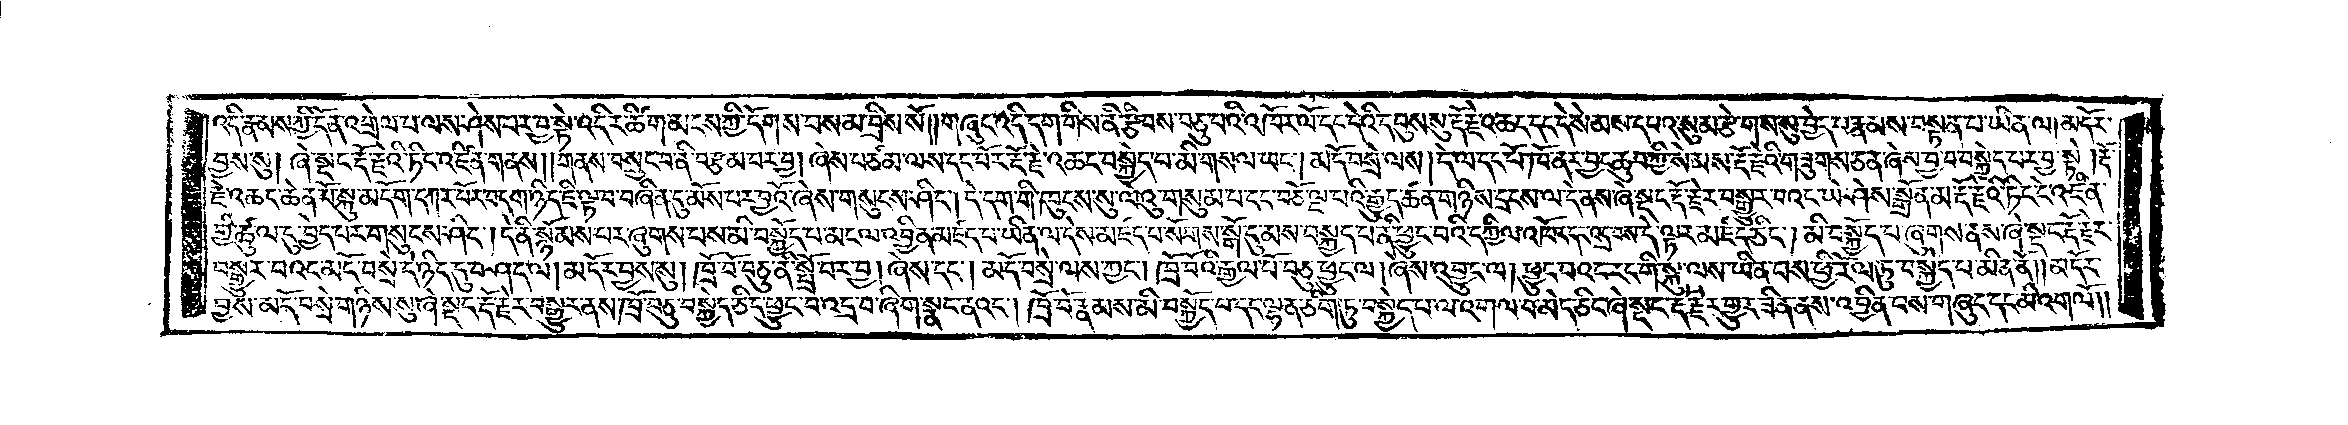འདི་རྣམས་ཀྱི་དོན་འགྲེལ་པ་ལས་ཤེས་པར་བྱ་སྟེ་འདིར་ཚིག་མངས་ཀྱི་དོགས་པས་མ་བྲིས་སོ། །གཞུང་འདི་དག་གིས་ནི་རྩིབས་བཅུ་པའི་འཁོར་ལོ་དང་དེའི་དབུས་སུ་རྡོ་རྗེ་འཆང་དང་དེ་སེམས་དཔའ་སུམ་རྩེགས་སུ་བྱེད་པ་རྣམས་བསྟན་པ་ཡིན་ལ། མདོར་
བྱས་སུ། ཞེ་སྡང་རྡོ་རྗེའི་ཏིང་འཛིན་གནས། །གནས་བསྲུང་བ་ནི་བརྩམ་པར་བྱ། ཞེས་པ་ཙམ་ལས་དང་པོར་རྡོ་རྗེ་འཆང་བསྐྱེད་པ་མི་གསལ་ཡང་། མདོ་བསྲེ་ལས། དེ་ལ་དང་པོ་ཁོ་ནར་བྱང་ཆུབ་ཀྱི་སེམས་རྡོ་རྗེའི་གཟུགས་ཅན་ཞེས་བྱ་བ་བསྐྱེད་པར་བྱ་སྟེ། རྡོ་
རྗེ་འཆང་ཆེན་པོ་སྐུ་མདོག་དཀར་པོར་བདག་ཉིད་ཇི་ལྟ་བ་བཞིན་དུ་མོས་པར་བྱའོ་ཞེས་གསུངས་ཤིང་། དེ་དག་གི་ཁུངས་སུ་ལེའུ་གསུམ་པ་དང་བཅོ་ལྔ་པའི་རྒྱུད་ཚན་གཉིས་དྲངས་ལ་དེ་ནས་ཞེ་སྡང་རྡོ་རྗེར་བསྒྱུར་བའང་ཡེ་ཤེས་སྒྲོན་མ་རྡོ་རྗེའི་ཏིང་ངེ་འཛིན་
གྱི་ཚུལ་དུ་བྱེད་པར་གསུངས་ཤིང་། དེ་ནི་སྙོམས་པར་ཞུགས་པས་མི་བསྐྱོད་པ་མངལ་འབྱིན་མཛད་པ་ཡིན་ལ་དེས་མཛད་པ་སོགས་སྒོ་དུ་མས་བསྐྱད་པ་ནི་ཕྱུང་བའི་དཀྱིལ་འཁོར་དང་འདྲ་བས་དེ་ལྟར་མཛད་ཅིང་། མི་བསྐྱོད་པ་ཞུགས་ནས་ཞེ་སྡང་རྡོ་རྗེར་
བསྒྱུར་བའང་མདོ་བསྲེ་དེ་ཉིད་དུ་བཤད་ལ། མདོར་བྱས་སུ། ཁྲོ་བོ་བཅུ་ནི་སྤྲོ་བར་བྱ། ཞེས་དང་། མདོ་བསྲེ་ལས་ཀྱང་། ཁྲོ་བོའི་རྒྱལ་པོ་བཅུ་ཕྱུང་ལ། ཞེས་འབྱུང་ལ། ཕྱུང་བའང་རང་གི་སྐུ་ལས་ཡིན་པས་ཕྱི་རོལ་ཏུ་བསྐྱེད་པ་མིན་ནོ། །མདོར་
བྱས་མདོ་བསྲེ་གཉིས་སུ་ཞེ་སྡང་རྡོ་རྗེར་བསྒྱུར་ནས་ཁྲོ་བཅུ་བསྐྱེད་ཅིང་ཕྱུང་བ་འདྲ་བ་ཞིག་སྣང་ནའང་། ཁྲོ་བོ་རྣམས་མི་བསྐྱོད་པ་དང་ལྷན་ཅིག་ཏུ་བསྐྱེད་པ་ལ་འགལ་བ་མེད་ཅིང་ཞེ་སྡང་རྡོ་རྗེར་གྱུར་ཟིན་ནས་འབྱིན་པས་གཞུང་དང་མི་འགལ་ལོ། །